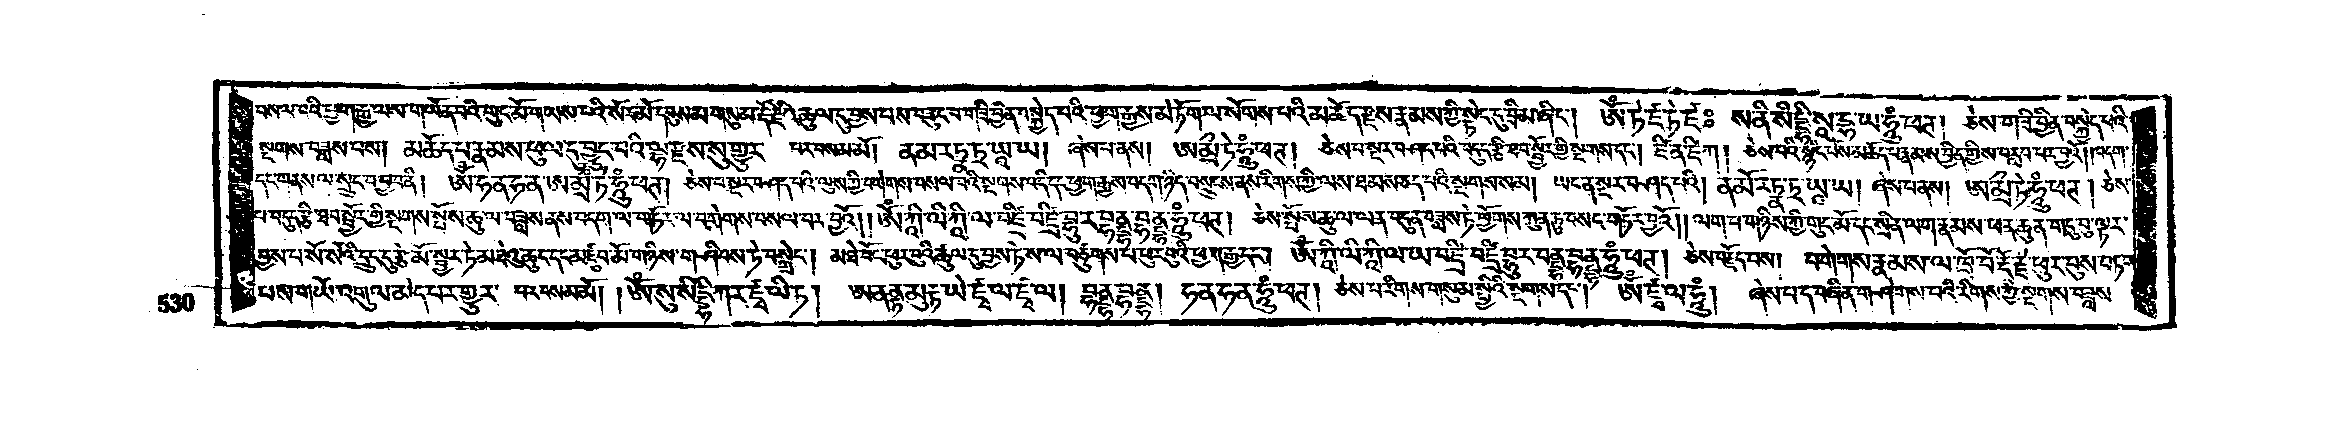བསལ་བའི་ཕྱག་རྒྱ་ལས་གཡོན་པའི་གུང་མོ་གཡས་པའི་སོར་མོ་དབུས་མ་གསུམ་རྡོ་རྗེའི་ཚུལ་དུ་བྱས་པས་བཟུང་བ་གཟི་ཕྱིན་བསྐྱེད་པའི་ཕྱག་རྒྱས་མེ་ཏོག་ལ་སོགས་པའི་མཆོད་རྫས་རྣམས་ཀྱི་སྟེང་དུ་བྲིམ་ཞིང་། ཨོཾ་ཏེ་ཛ་ཏེ་ཛཿ ས་ནི་སིདྡྷི་སཱ་དྷ་ཡ་ཧཱུཾ་ཕཊ། ཅེས་གཟི་བྱིན་བསྐྱེད་པའི་
སྔགས་བཟླས་པས། མཆོད་པ་རྣམས་ཕུལ་དུ་བྱུང་བའི་ལྷ་རྫས་སུ་གྱུར་བར་བསམ་མོ།  ན་མོ་རཏྣ་ཏྲ་ཡཱ་ཡ། ཞེས་པ་ནས།  ཨ་མྲྀ་ཏེ་ཧཱུཾ་ཕཊ། ཅེས་པ་སྔར་བཤད་པའི་བདུད་རྩི་ཐབ་སྦྱོར་གྱི་སྔགས་དང་།  ཛི་ན་ཛི་ཀ། ཅེས་པའི་སྙིང་པོས་མཆོད་པ་རྣམས་བྱིན་གྱིས་བརླབ་པར་བྱའོ། །བདག་
དང་གནས་ལ་སྲུང་བ་བྱ་བ་ནི། ཨོཾ་ཧ་ན་ཧ་ན་ཨ་མྲྀ་ཏེ་ཧཱུཾ་ཕཊ། ཅེས་པ་སྔར་བཤད་པའི་ལུས་ཀྱི་བགེགས་བསལ་བའི་སྔགས་འདི་དང་ཕྱག་རྒྱས་བདག་ཉིད་བསྲུངས་ནས་རིགས་ཀྱི་ལས་ཐམས་ཅད་པའི་སྔགས་སམ། ཡང་ན་སྔར་བཤད་པའི།  ན་མོ་རཏྣ་ཏྲ་ཡཱ་ཡ། ཞེས་པ་ནས།  ཨ་མྲྀ་ཏེ་ཧཱུཾ་ཕཊ། ཅེས་
པ་བདུད་རྩི་ཐབ་སྦྱོར་གྱི་སྔགས་སྤོས་ཆུ་ལ་བཟླས་ནས་བདག་ལ་གཏོར་ལ་བགེགས་བསལ་བར་བྱའོ། །ཨོཾ་ཀཱི་ལི་ཀཱི་ལ་བཛྲི་བཛྲི་བྷུ་ར་བྷནྡྷ་བྷནྡྷ་ཧཱུཾ་ཕཊ། ཅེས་སྤོས་ཆུ་ལ་ལན་བདུན་བཟླས་ཏེ་ཕྱོགས་ཀུན་ཏུ་བསང་གཏོར་བྱའོ། །ལག་པ་གཉིས་ཀྱི་གུང་མོ་དང་སྲིན་ལག་རྣམས་ཕན་ཚུན་གདུ་བུ་ལྟར་
བྱས་པ་ས་སོའི་དྲུང་དུ་རྩེ་མོ་སྦྱར་ཏེ་མཐེའུ་ཆུང་དང་མཛུབ་མོ་གཉིས་གཤིབས་ཏེ་བསྒྲེང་། མཐེ་བོང་ཕུར་བུའི་ཚུལ་དུ་བྱས་ཏེ་ས་ལ་བཙུགས་པ་ཕུར་བུའི་ཕྱག་རྒྱ་དང་། ཨོཾ་ཀཱི་ལི་ཀཱི་ལ་ཡ་བཛྲི་བཛྲི་བྷུར་བནྡྷ་བྷནྡྷ་ཧཱུཾ་ཕཊ། ཅེས་བརྗོད་པས།  བགེགས་རྣམས་ལ་ཁྲོ་བོ་རྡོ་རྗེ་ཕུར་བུས་བཏབ་
པས་གཡོ་འགུལ་མེད་པར་གྱུར་པར་བསམ་མོ།  །ཨོཾ་སུ་སིདྡྷི་ཀ་ར་ཛྭ་ལི་ཏ། ཨ་ནནྟ་མུརྟ་ཡེ་ཛྭ་ལ་ཛྭ་ལ། བྷནྡྷ་བྷནྡྷ། ཧ་ན་ཧ་ན་ཧཱུཾ་ཕཊ། ཅེས་པ་རིགས་གསུམ་སྤྱིའི་སྔགས་དང་།  ཨོཾ་ཛྭ་ལ་ཧཱུཾ། ཞེས་པ་དེ་བཞིན་གཤེགས་པའི་རིགས་ཀྱི་སྔགས་བཟླས་